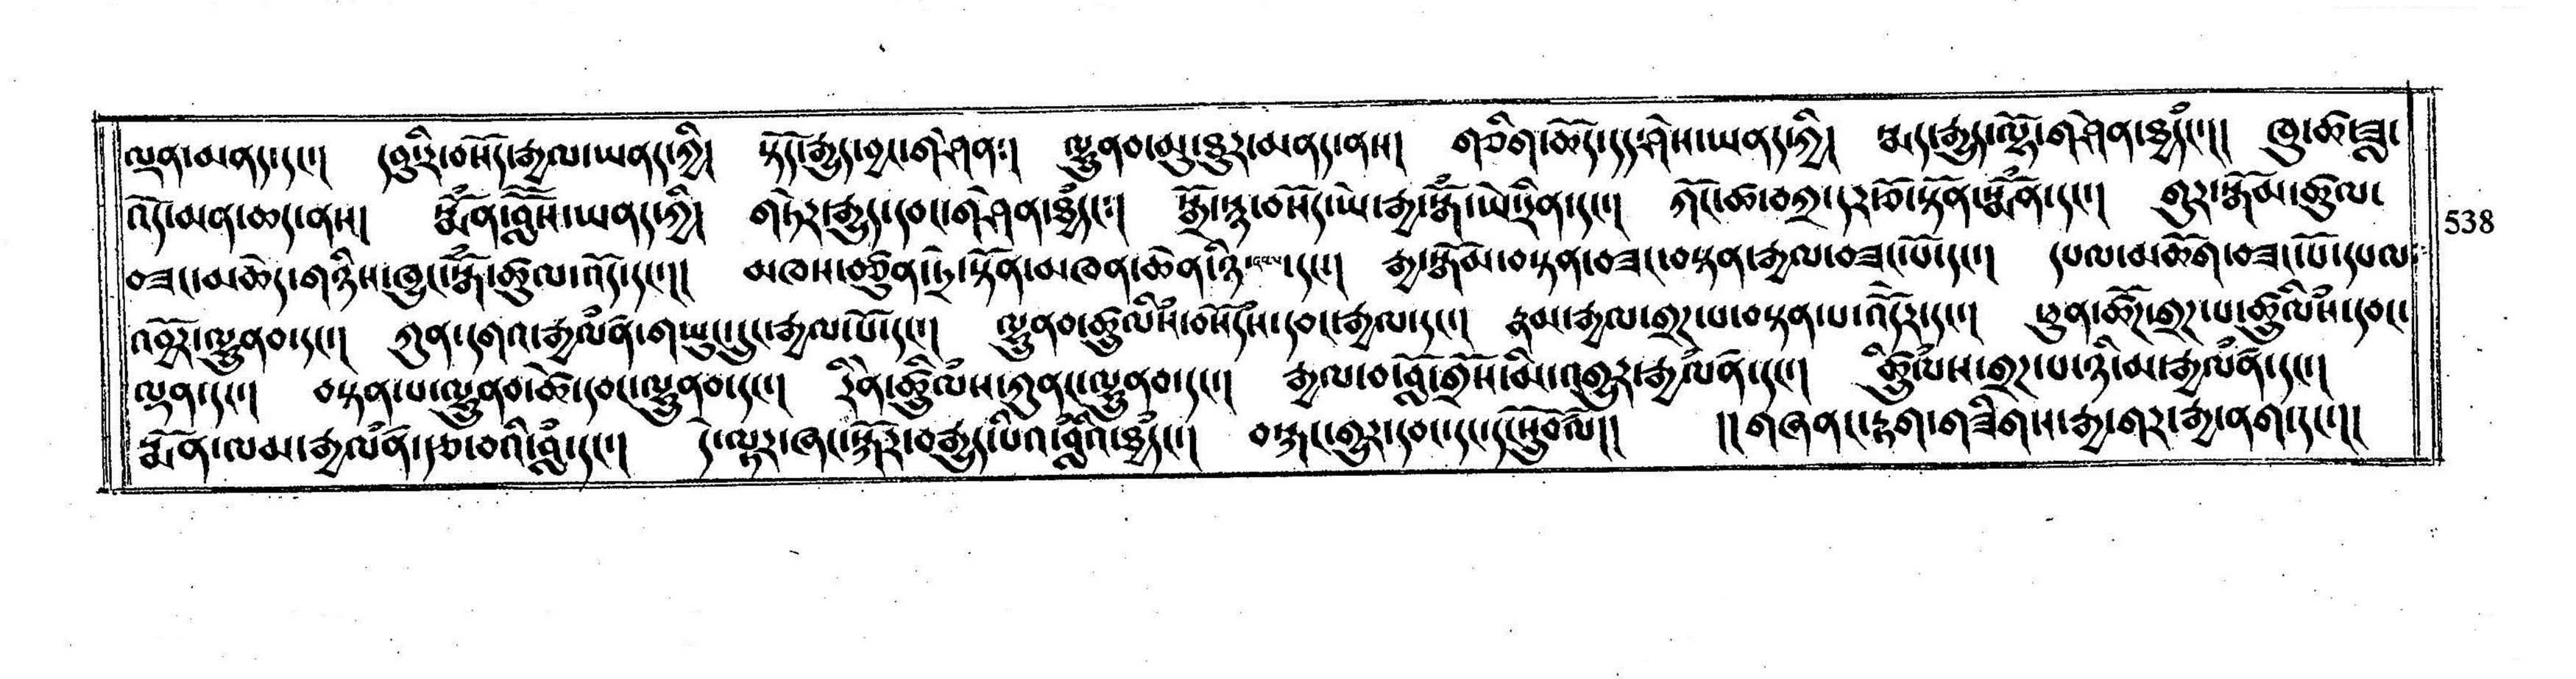ལྡན་མན་ཆད་དང་། དབུ་རི་བསོད་རྒྱལ་ཡན་ཆད་ཀྱི། སྟོད་རྒྱུད་བྱང་གཤེན༴། ལྷུན་གྲུབ་མུ་ཐུར་མན་ཆད་ནས། གཅིག་ཆོད་དད་ཤེས་ཡན་ཆད་ཀྱི། སྨད་རྒྱུད་ལྷོ་གཤེན་ཐུགས་དམ་བསྐང་།། ཁུ་ཚ་ཟླ་
འོད་མན་ཆད་ནས། སྨོན་ལམ་བློ་གྲོས་ཡན་ཆད་ཀྱི། གཏེར་རྒྱུད་དབང་གཤེན་ཐུགས་དམ་བསྐང་༴། སྒྲོ་སྙ་བསོད་ཡེ་རྒྱ་སྒོམ་ཡེ་རིན་དང་། ཀོང་ཚ་བཀྲ་དར་ཅོ་སྟོན་སྨོན་ལམ་དང་། གུར་སྒོམ་ཚུལ་
བཟང་མཆེད་གཉིས་ཁྱུང་སྒོམ་ཚུལ་འོད་དང་།། མཁས་བཙུན་ཏྲེ་སྟོན་མཁན་ཆེན་ཉི་དཔལ་དང་། རྒྱ་སྒོམ་བསྟན་བཟང་བསྟན་རྒྱལ་བཟང་པོ་དང་། དཔལ་མཆོག་བཟང་པོ་དཔལ་
འབྱོར་ལྷུན་གྲུབ་དང་། ཀུན་དགའ་རྒྱལ་མཚན་གཡུང་དྲུང་རྒྱལ་པོ་དང་། ལྷུན་གྲུབ་ཚུལ་ཁྲིམས་བསོད་ནམས་དབང་རྒྱལ་དང་། རྣམ་རྒྱལ་གྲགས་པ་བསྟན་པ་འོད་ཟེར་དང་། ཕུན་ཚོགས་གྲགས་པ་ཚུལ་ཁྲིམས་དབང་
ལྡན་དང་། བསྟན་པ་ལྷུན་གྲུབ་ཚེ་དབང་ལྷུན་གྲུབ་དང་། རིན་ཆེན་ཚུལ་ཁྲིམས་ཀུན་བཟང་ལྷུན་གྲུབ་དང་། རྒྱལ་བ་བློ་གྲོས་མི་འགྱུར་རྒྱལ་མཚན་དང་། ཚུལ་ཁྲིམས་གྲགས་པ་ཉི་མ་རྒྱལ་མཚན་དང་། 
སྨོན་ལམ་རྒྱལ་མཚན་རྩ་བའི་བླ་མ་དང་། དེ་ལྟར་ཞང་སྐོར་བརྒྱུད་པའི་བླ་མའི་ཐུགས་དམ་བསྐང་། བསྐང་གྱུར་དབང་དང་དངོས་གྲུབ་སྩོལ།། །།གཞན་ཡང་རྟག་གཟིགས་རྒྱ་གར་རྒྱ་ནག་དང་།།